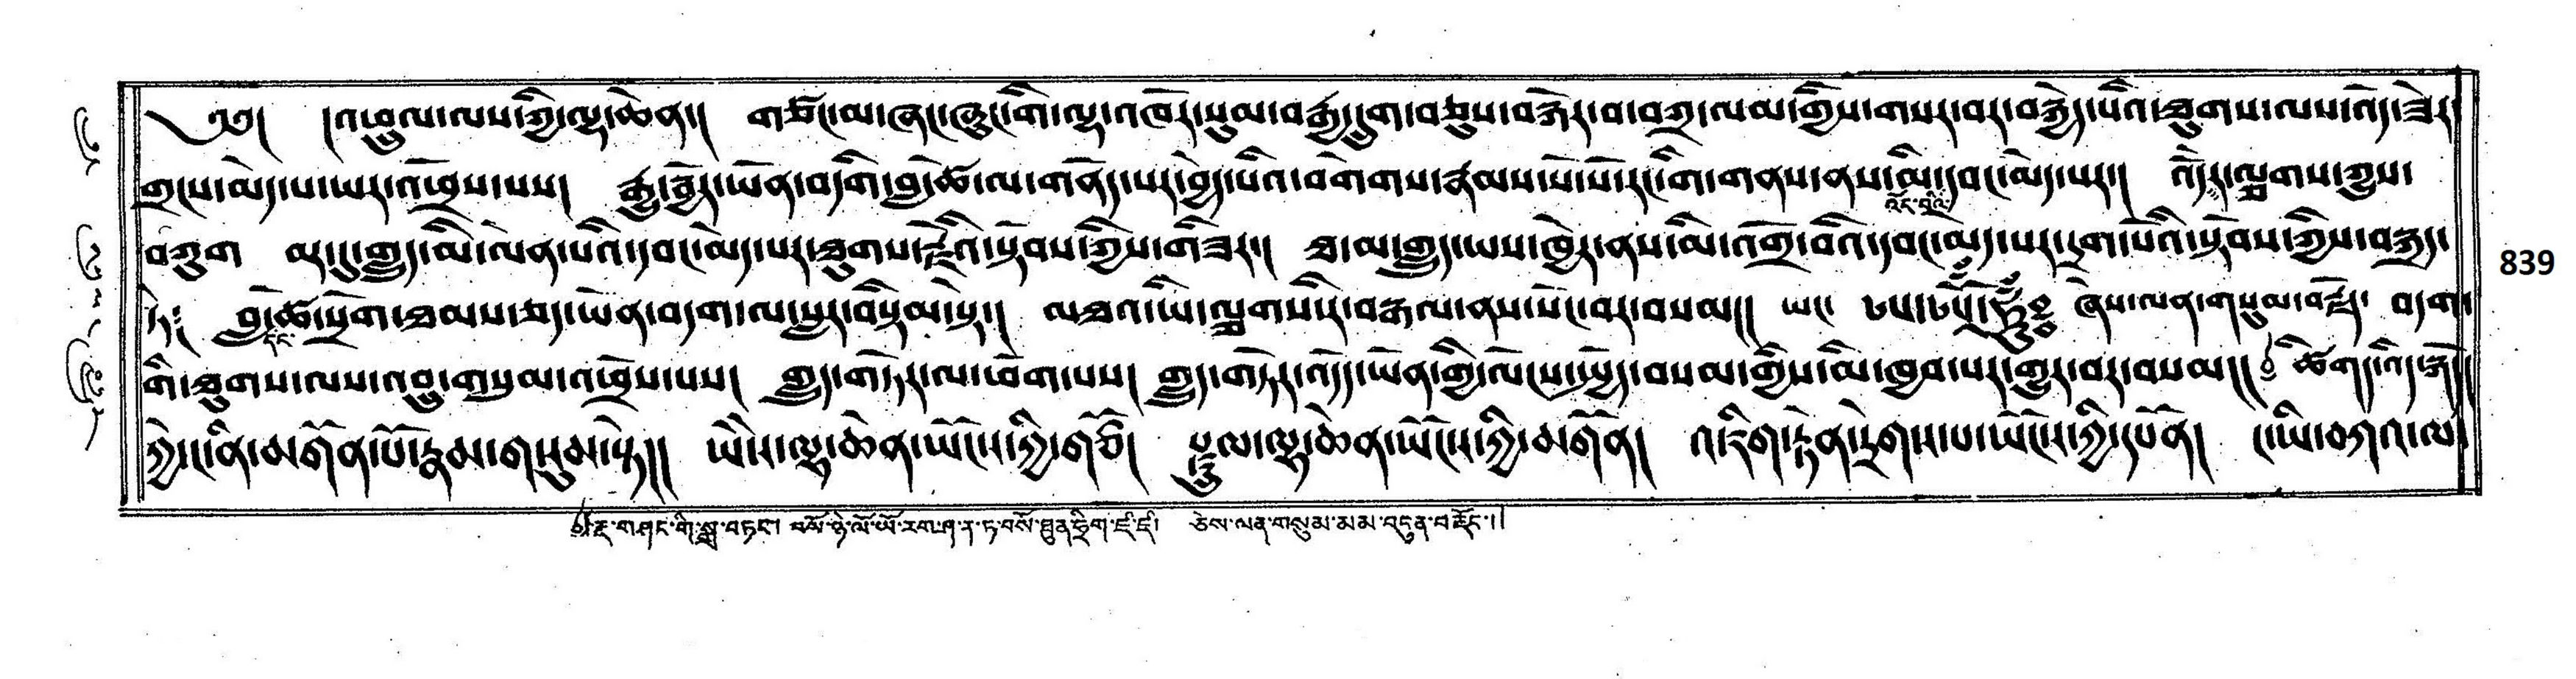འཕྲུལ་ལས་ཀྱི་ལྷ་ཆེན། གཙང་མ་ཞང་ཞུང་གི་ལྷ་འཁོར་སུམ་བརྒྱ་དྲུག་བཅུས་བསྐོར་བ་བཀྲ་ལམ་གྱིས་གསལ་བར་བསྐྱེད་པའི་ཐུགས་ལས་འོད་ཟེར་
གྲངས་མེད་པ་ཡར་འཕྲོས་པས། རྒྱུ་སྦྱོར་ཡོན་བདག་གི་བླ་ཚེ་ལ་གནོད་པར་བྱེད་པའི་བགེགས་རྣམས་སོ་སོ་རང་གི་གནས་ནས་མི་འོང་བའི་དབང་མེད་པར། འོད་ཟེར་ལྕགས་ཀྱུས་
བཀུག བར་དུ་གླུད་མི་ལེན་པའི་དབང་མེད་པར་ཐུགས་རྗེའི་སྟོབས་ཀྱིས་གཟིར། ཐ་མ་གླུད་ཡས་ཁྱེར་ནས་མི་འགྲོ་བའི་དབང་མེད་པར་དྲག་པོའི་སྟོབས་ཀྱིས་བསྐྲད་
ཏེ། བླ་དང་ཚེ་སྲོག་ཐམས་ཅད་ཡོན་བདག་ལ་སླར་བསྟིམ་སྟེ། མཐའ་ཡི་ལྕགས་རི་བརྒལ་ནས་སོང་བར་བསམ།། ཡང་ཨ་ཨཱོཾ་ཧཱུྃ༔ ཞེས་ལན་གསུམ་བརྗོད། བདག་
གི་ཐུགས་ལས་འབྲུ་གསུམ་འཕྲོས་པས། གླུད་གཏོར་ལ་ཕོག་པས། གླུད་གཏོར་འདོད་ཡོན་གྱི་ལོངས་སྤྱོད་བསམ་གྱིས་མི་ཁྱབ་པར་གྱུར་བར་བསམ།། རྔ་གཤང་གི་སྒྲ་བཏང་། བསོ་ཉེ་ལོ་ཡོ་རག་ཤ་ར་ཏ་བསོ་ཐུན་ཧྲིག་ཛ་ཛ། ཅེས་ལན་གསུམ་མམ་བདུན་བརྗོད། ཚིག་བཤད་འདི་སྐད་དོ། 
ཀྱེ་ང་ནི་མགོན་པོ་རྣམ་གསུམ་སྟེ།། ཡེ་ཤེས་ལྷ་ཆེན་ཡོངས་ཀྱི་གཙོ། རྫུ་འཕྲུལ་ལྷ་ཆེན་ཡོངས་ཀྱི་མགོན། འཇིག་རྟེན་དྲེགས་པ་ཡོངས་ཀྱི་དཔོན། ང་ཡི་བཀའ་ལ་